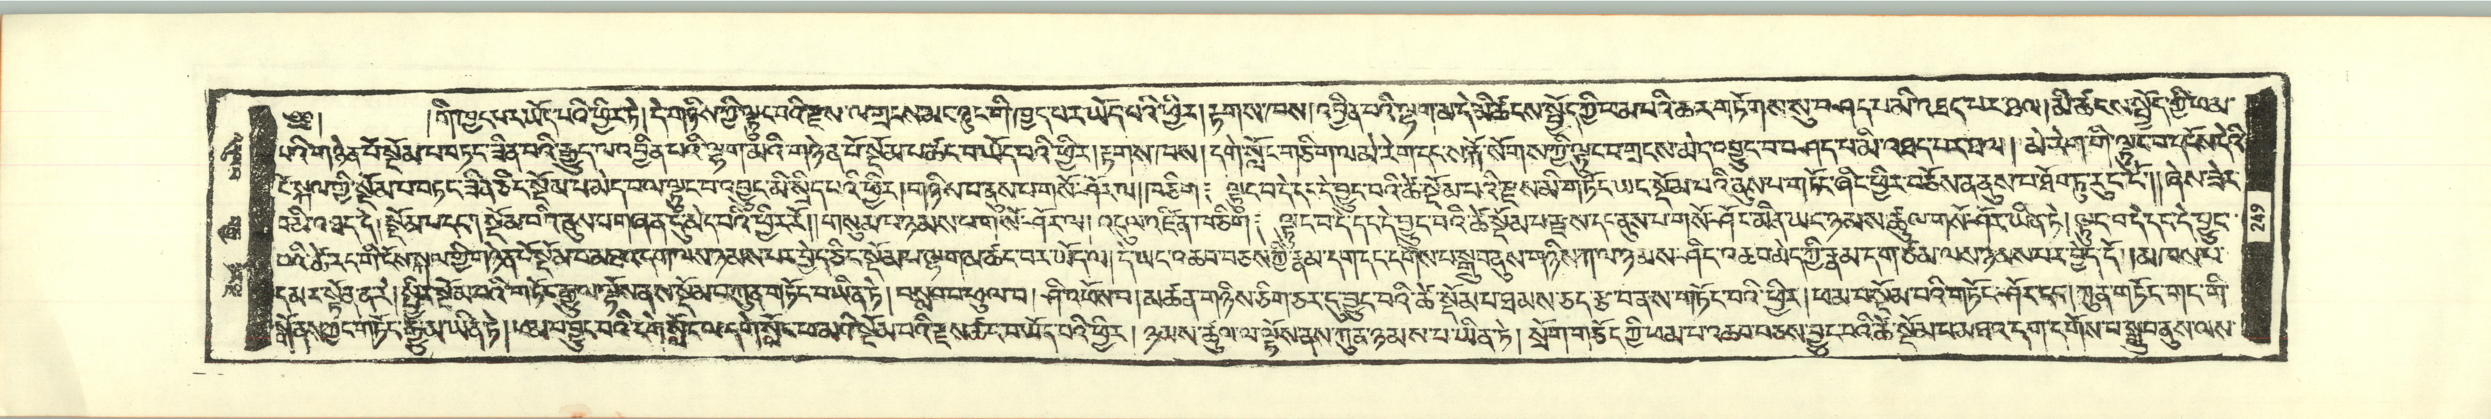༄༅། །གི་ཁྱད་པར་ཡོད་པའི་ཕྱིར་ཏེ། དེ་གཉིས་ཀྱི་ལྟུང་བའི་རྫས་ལ་གྲངས་མང་ཉུང་གི་ཁྱད་པར་ཡོད་པའི་ཕྱིར། རྟགས་ཁས། འབྱིན་པའི་ལྷག་མ་དེ་མི་ཚངས་སྦྱོད་ཀྱི་ཕམ་པའི་ཆར་གཏོགས་སུ་བཤད་པ་མི་འཐད་པར་ཐལ། མི་ཚངས་སྤྱོད་ཀྱི་ཕམ་
པའི་གཉེན་པོ་སྡོམ་པ་བཏང་ཟིན་པའི་རྒྱུད་ལ་འབྱིན་པའི་ལྷག་མའི་གཉེན་པོ་སྡོམ་པ་ཚང་བ་ཡོད་པའི་ཕྱིར། རྟགས་ཁས། དགེ་སློང་གཅིག་ལ་མེ་རེག་དང་ས་རྐོ་སོགས་ཀྱི་ལྟུང་བ་གྲངས་མེད་འབྱུང་བཤད་པ་མི་འཐད་པར་ཐལ། མེ་རེག་གི་ལྟུང་བ་དངོས་དེའི་
ངོ་སྐལ་གྱི་སྡོམ་པ་བཏང་ཟིན་ཅིང་སྡོམ་པ་མེད་པ་ལ་ལྟུང་བ་འབྱུང་མི་སྲིད་པའི་ཕྱིར། གཉིས་པ་ནུས་པ་གསོ་ཤོར་ལ། ཁ་ཅིག །ལྟུང་བ་དེ་དང་དེ་བྱུང་བའི་ཚེ་སྡོམ་པའི་རྫས་མི་གཏོང་ཡང་སྡོམ་པའི་ནུས་པ་གཏོང་ཞིང་ཕྱིར་བཅོས་ན་ནུས་པ་ཐོབ་ཏུ་རུང་ངོ། །ཞེས་ཟེར་
བ་མི་འཐད་དེ། སྡོམ་པ་དང་། སྡོམ་པའི་ནུས་པ་གཞན་དུ་མེད་པའི་ཕྱིར་རོ། །གསུམ་པ་ཉམས་པ་གསོ་ཤོར་ལ། འདུལ་འཛིན་ཁ་ཅིག ༑ལྟུང་བ་དེ་དང་དེ་བྱུང་བའི་ཚེ་སྡོམ་པ་རྫས་དང་ནུས་པ་གསོ་ཤོང་མིན་ཡང་ཉམས་ཚུལ་གསོ་ཤོར་ཡིན་ཏེ། ལྟུང་བ་དེ་དང་དེ་བྱུང་
བའི་ཚེ་རང་གི་ངོས་སྐལ་གྱི་གཉེན་པོ་སྡོམ་བ་མཐའ་དག་ལས་ཉམས་པར་བྱེད་ཅིང་སྡོམ་པ་ལྷག་མ་ཚང་བར་ཡོད་ལ། དེ་ཡང་འཆབ་བཅས་ཀྱི་རྣམ་དག་དང་དགོས་པ་སྒྲུབ་ནུས་གཉིས་ཀ་ལ་ཉམས་ཤིང་འཆབ་མེད་ཀྱི་རྣམ་དག་ཙམ་ལས་ཉམས་པར་བྱེད་དོ། །མཁས་པ་
དམར་སྟོན་ན་རེ། སྤྱིར་སྡོམ་པའི་གཏོང་རྒྱུ་ལ་ལྟོས་ནས་སྡོམ་པ་ཀུན་གཏོང་བ་ཡིན་ཏེ། བསླབ་པ་ཕུལ་བ། ཤི་འཕོས་བ། མཚན་གཉིས་ཅིག་ཅར་དུ་བྱུང་བའི་ཚེ་སྡོམ་པ་ཐམས་ཅད་ཙ་བ་ནས་གཏོང་བའི་ཕྱིར། ཕམ་བསྡོམ་པའི་གཏོང་ཤོང་དང་། ཀུན་གཏོང་གང་གི་
སྒོ་ནས་ཀྱང་གཏོང་རྒྱུ་མ་ཡིན་ཏེ། ཕམ་པ་བྱུང་བའི་དགེ་སློང་ལ་དགེ་སློང་ཕ་མའི་སྔོམ་པའི་རྫས་ཚང་བ་ཡོད་པའི་ཕྱིར། ཉམས་ཚུལ་ལ་ལྟོས་ནས་ཀུན་ཉམས་པ་ཡིན་ཏེ། སྲིག་གཅོད་ཀྱི་ཕམ་པ་འཆབ་བཅས་བྱུང་བའི་ཚེ་སྡོམ་པ་མཐའ་དག་དགོས་པ་སྒྲུབ་ནུས་ལས་